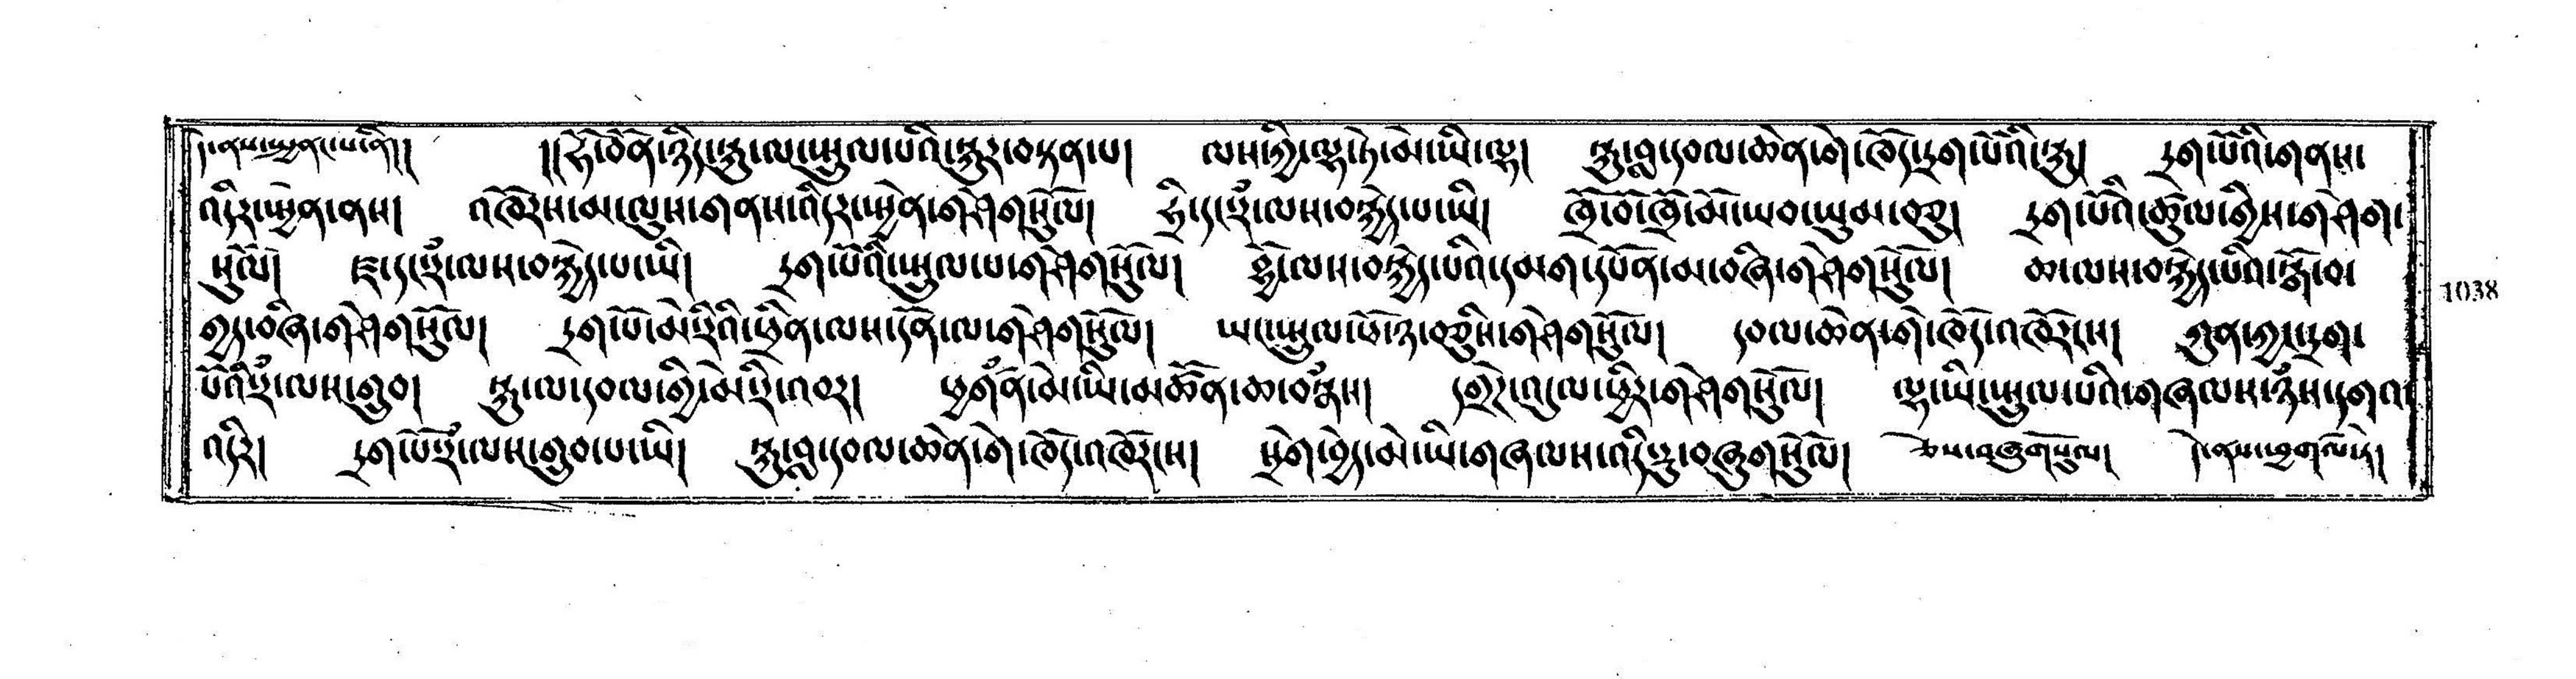དེ་ནས་སྤྱན་དྲང་པ་ནི།། །།ཧོ་བོན་ཉིད་སྐུ་ལ་སྤྲུལ་པའི་སྐུར་བསྟན་པ། ལས་ཀྱི་ལྷ་སྟེ་མེ་ཡི་ལྷ། སྐུ་བླ་དབལ་ཆེན་གེ་ཁོད་དྲག་པོའི་སྐུ། དྲག་པོའི་གནས་
འདིར་སྤྱན་འདྲེན་ནས། འཁོར་བཅས་མ་ལུས་གནས་འདིར་སྤྱེན་གཤེགས་སུ་གསོལ། ཧྲི་དང་རཾ་ལས་བསྐྱེད་པ་ཡི། ཁྲོ་བོ་ཁྲོ་མོ་ཡབ་ཡུམ་བཅུ། དྲག་པོའི་ཚུལ་གྱིས་གཤེགས་
སུ་གསོལ། ཛ་དང་རཾ་ལས་བསྐྱེད་པ་ཡི། དྲག་པོའི་སྤྲུལ་པ་གཤེགས་སུ་གསོལ། བྷྱོ་ལས་བསྐྱེད་པའི་དམག་དཔོན་མ་བཞི་གཤེགས་སུ་གསོལ། ཆ་ལས་བསྐྱེད་པའི་སྒོ་བ་
གྱད་བཞི་གཤེགས་སུ་གསོལ། དྲག་པོ་མེ་རིའི་ཕྲིན་ལས་དོན་ལ་གཤེགས་སུ་གསོལ། ཡང་སྤྲུལ་ཕོ་ཉ་བཅུ་གཉིས་གཤེགས་སུ་གསོལ། དབལ་ཆེན་གེ་ཁོད་འཁོར་དང་བཅས། ཀུན་ཀྱང་དྲག་
པོའི་རཾ་ལས་གྲུབ། སྐུ་ལ་དབལ་གྱི་མེ་རི་འབར། ཕྱག་མཚན་མེ་ཡི་མཚོན་ཆ་བསྣམས། དགྲ་བགེགས་འདུལ་ཕྱིར་གཤེགས་སུ་གསོལ། ལྷ་ཡི་སྤྲུལ་པའི་གཞལ་ཡས་ཉམས་དགའ་
འདིར། དྲག་པོ་རཾ་ལས་གྲུབ་པ་ཡི། སྐུ་བླ་དབལ་ཆེན་གེ་ཁོད་འཁོར་དང་བཅས། སྲེག་བྱེད་མེ་ཡི་གཞལ་ཡས་འདི་རུ་བཞུགས་སུ་གསོལ། ཅེས་བཞུགས་སུ་གསོལ། དེ་ནས་ཕྱག་འཚལ་ཏེ།